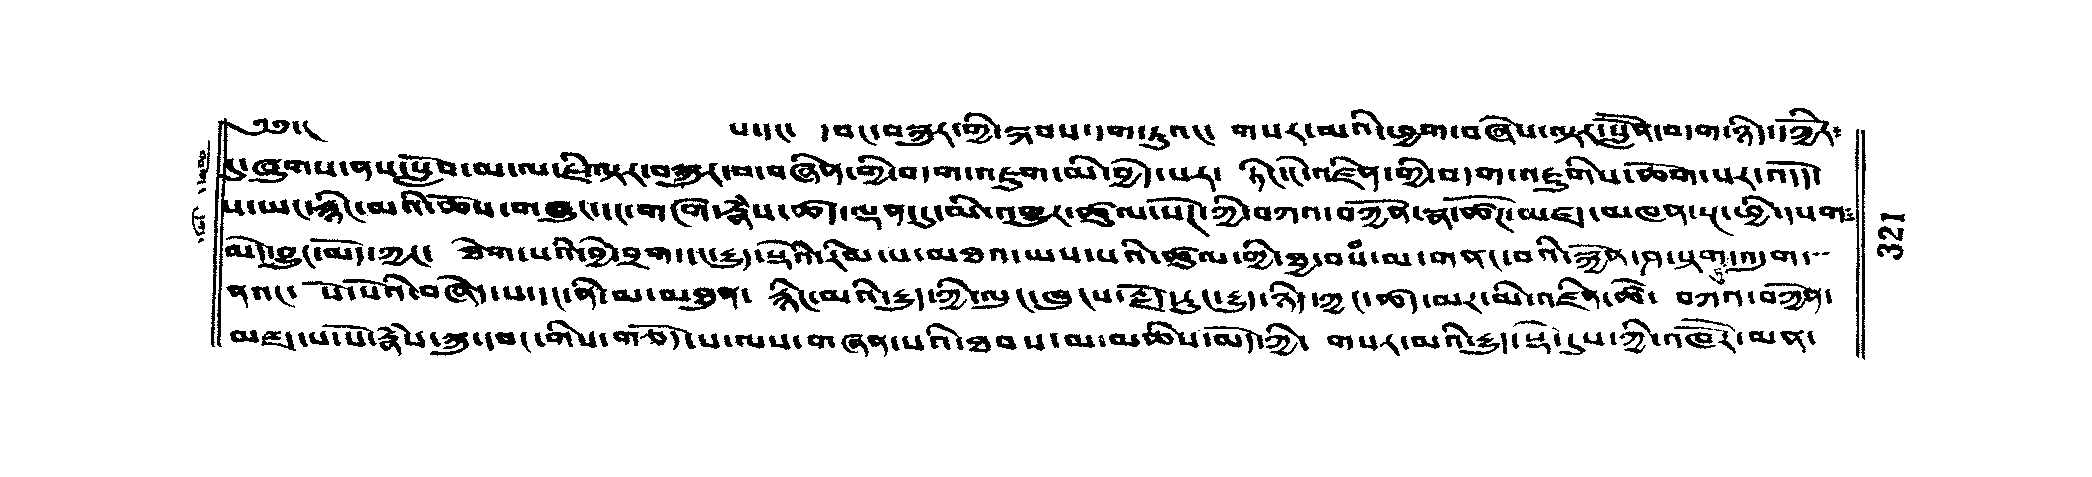པ་དང་། དབང་བསྐུར་གྱི་སྐབས་དག་ཏུའང་། གསར་མའི་ཕྱག་བཞེས་ལྟར་སློབ་དཔོན་བདག་ཉིད་དཀྱིལ་འཁོར་
དུ་ཞུགས་ནས་སློབ་མ་ལ་ཇི་ལྟར་བསྐུར་བ་བཞིན་གྱི་བདག་འཇུག་མི་བྱེད་པར། ཏིང་ངེ་འཛིན་གྱི་བདག་འཇུག་གིས་ཆོག་པར་འདོད་
པ་ཡང་རྙིང་མའི་ཆོས་གཞུང་དང་གདམས་ངག་རྣམས་ཚད་ལྡན་དུ་མི་འགྱུར་ཚུལ་སོགས་ཀྱི་བཀའ་དཀྱོན་སྣ་ཚོགས་མཛད་མཁན་སྔ་ཕྱི་དཔག་
མེད་བྱུང་མོད་ཀྱང་། ཐེག་པའི་བྱེ་བྲག་དང་རྒྱུད་སྡེའི་རིམ་པ་མཐའ་ཡས་པའི་ཚུལ་གྱི་ཐུགས་བསམ་མ་གནང་བའི་སྐྱོན་ཤ་སྟག་ཏུ་འདུག་
ནའང་།སོ་སོའི་བཞེད་པ་དང་ནི་མ་མཐུན། རྙིང་མའི་རྒྱུད་ཀྱི་ལུང་ཁུངས་རྗོད་རུང་རྒྱུད་ཉིད་ཀྱང་ཚད་མར་མི་འཛིན་ཚེ། བཀའ་དཀྱོན་
མཛད་པ་པོ་རྣམས་སྐུ་དབང་གིས་གཅོད་པ་ལས་གཞན་པའི་ཐབས་མ་མཆིས་མོད་ཀྱི། གསར་མའི་རྒྱུད་སྡེ་དུས་ཀྱི་འཁོར་ལོ་མན་